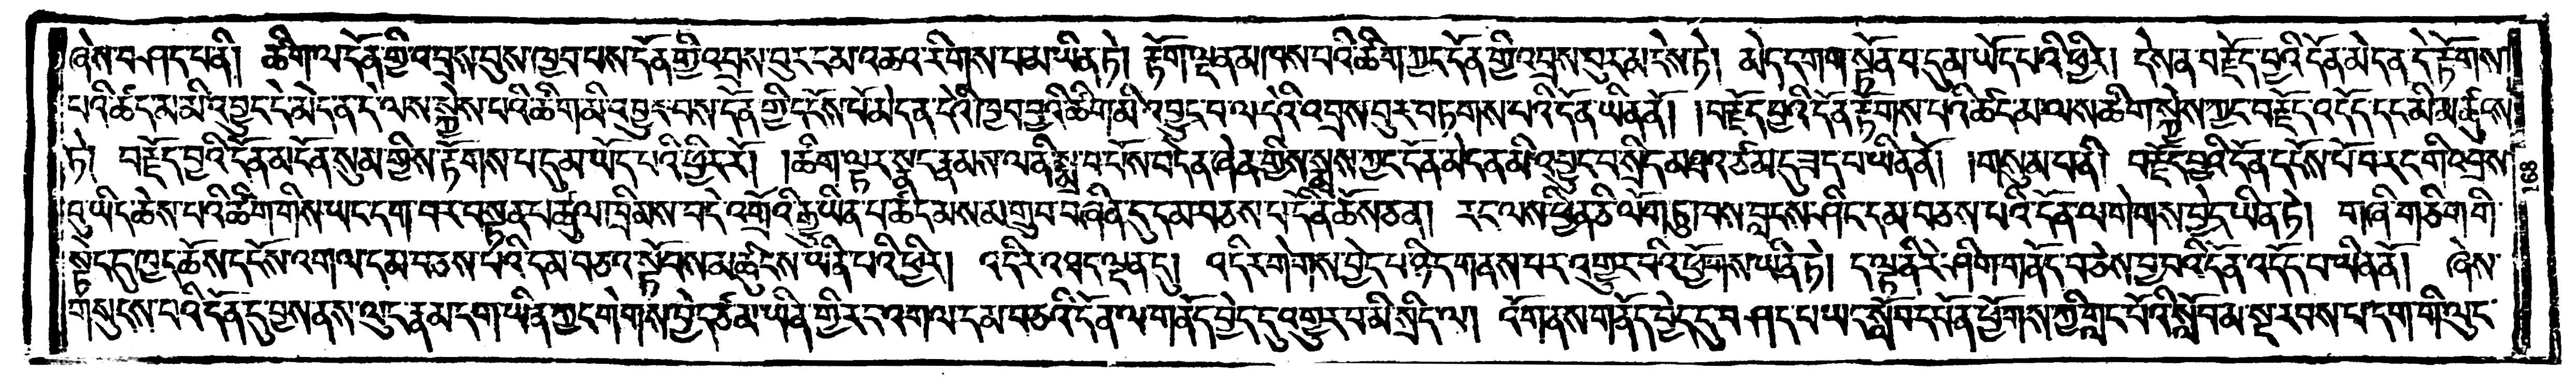ཞེས་བཤད་པ་ནི། ཚིག་ལ་དོན་གྱི་འབྲས་བུས་ཁྱབ་པས་དོན་གྱི་འབྲས་བུར་དམ་འཆའ་རིགས་པ་མ་ཡིན་ཏེ། རྟོག་ལྡན་མཁས་པའི་ཚིག་ཀྱང་དོན་གྱི་འབྲས་བུར་མ་ངེས་ཏེ། མེད་དགག་སྟོན་པ་དུ་མ་ཡོད་པའི་ཕྱིར། དེས་ན་བརྗོད་བྱའི་དོན་མེད་ན་དེ་རྟོགས་
པའི་ཚད་མ་མི་འབྱུང་དེ་མེད་ན་དེ་ལས་སྐྱེས་པའི་ཚིག་མི་འབྱུང་བས་དོན་གྱི་དངོས་པོ་མེད་ན་དེའི་ཁྱབ་བྱའི་ཚིག་མི་འབྱུང་བ་ལ་དེའི་འབྲས་བུར་བཏགས་པའི་དོན་ཡིན་ནོ། །བརྗོད་བྱའི་དོན་རྟོགས་པའི་ཚད་མ་ལས་ཚིག་སྐྱེས་ཀྱང་བརྗོད་འདོད་དང་མི་མཚུངས་
ཏེ༑ བརྗོད་བྱའི་དོན་མངོན་སུམ་གྱིས་རྟོགས་པ་དུ་མ་ཡོད་པའི་ཕྱིར་རོ། །ཚིག་ལྟར་སྣང་རྣམས་ལ་ནི་སྨྲ་བ་པོས་བདེན་ཞེན་གྱིས་སྨྲས་ཀྱང་དོན་མེད་ན་མི་འབྱུང་བ་སྲིད་མཐའ་ཙམ་དུ་ཟད་པ་ཡིན་ནོ། །གསུམ་པ་ནི། བརྗོད་བྱའི་དོན་དངོས་པོ་བ་རང་གི་འབྲས་
བུ་ཡིད་ཆེས་པའི་ཚིག་གིས་ཡང་དག་བར་བསྟན་པ་ཚུལ་ཁྲིམས་བདེ་འགྲོའི་རྒྱུ་ཡིན་པ་ཚད་མས་མ་གྲུབ་བཞིན་དུ་དམ་བཅས་པ་དེ་ནི་ཆོས་ཅན། རང་ལས་ཕྱིན་ཅི་ལོག་ཏུ་ཁས་བླངས་ཤིང་དམ་བཅས་པའི་དོན་ལ་གེགས་བྱེད་ཡིན་ཏེ། གཞི་གཅིག་གི་
སྟེང་དུ་ཁྱད་ཆོས་དངོས་འགལ་དམ་བཅས་པའི་དམ་བཅའ་སྟོབས་མཚུངས་ཡིན་པའི་ཕྱིར། འདིར་འཐད་ལྡན་དུ། འདིར་གེགས་བྱེད་པ་ཉིད་གནས་པར་འགྱུར་བའི་ཕྱོགས་ཡིན་ཏེ། ད་ལྟ་ནི་རེ་ཤིག་གནོད་བ་ཅེས་བྱ་བའི་དོན་འདོད་པ་ཡིན་ནོ། ཞེས་
གསུངས་པའི་དོན་དུ་བྱས་ནས་ལུང་རྣམ་དག་ཡིན་ཀྱང་གེགས་བྱེད་ཙམ་ཡིན་གྱི་རང་འགལ་དམ་བཅའི་དོན་ལ་གནོད་བྱེད་དུ་འགྱུར་བ་མི་སྲིད་ལ། འོག་ནས་གནོད་བྱེད་དུ་བཤད་པ་ཡང་སློབ་དཔོན་ཕྱོགས་ཀྱི་གླང་པོའི་སློབ་མ་སྔ་རབས་པ་དག་གི་ལུང་